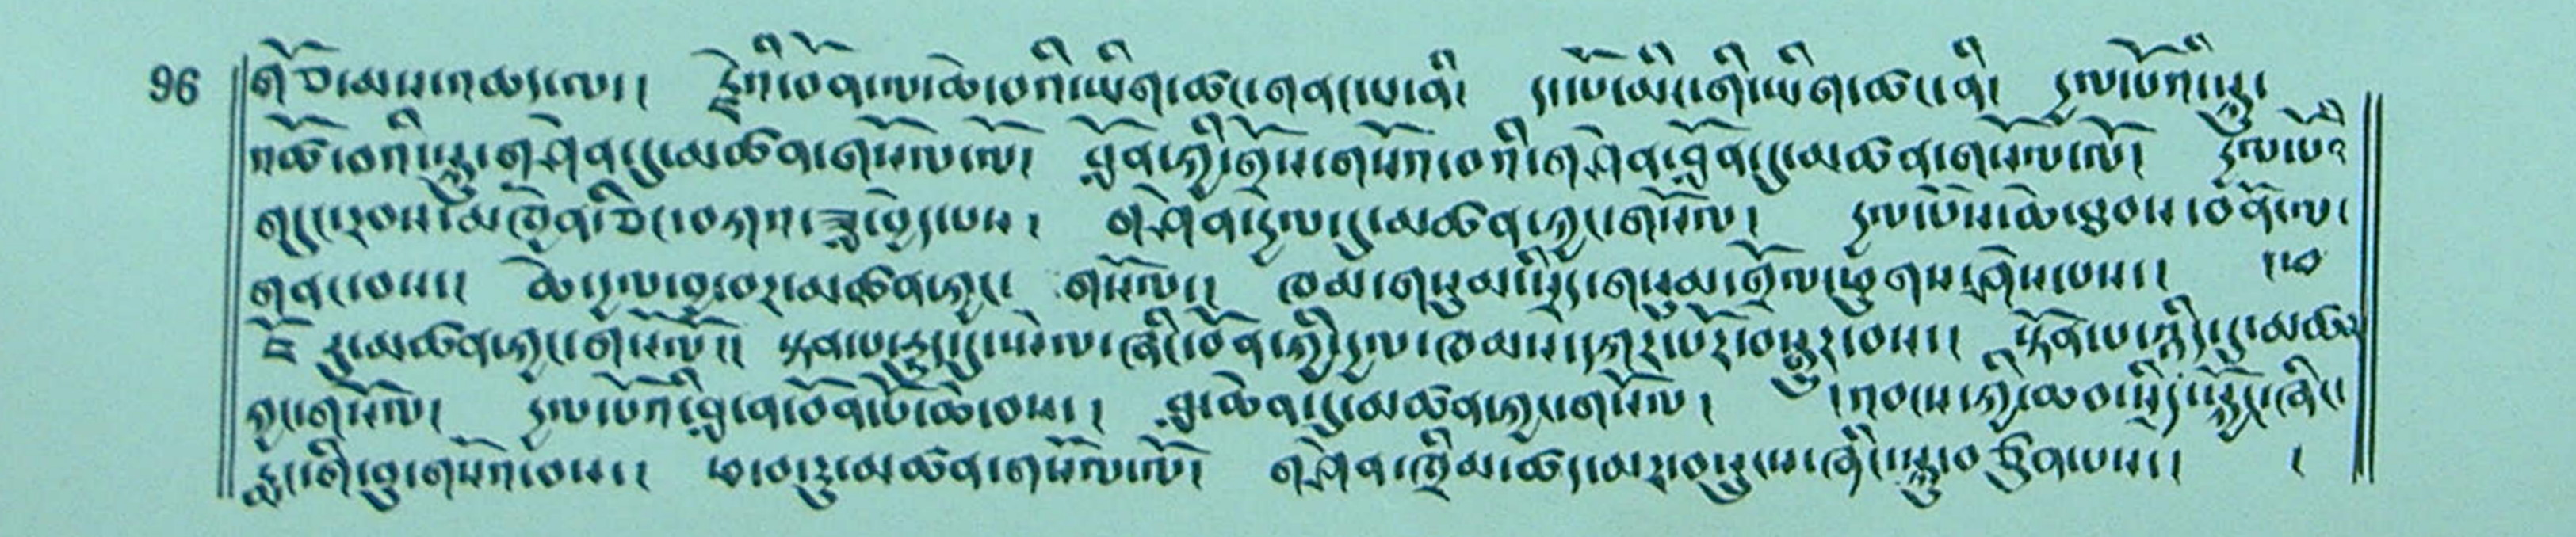གཅོ་མས་ཆད་ལ། རྗེས་བོན་ལ་ཆེ་བའི་ཡིག་ཚང་གནང་བ་ནི། དང་པོ་མིང་གི་ཡིག་ཚང་ནི། རྒྱལ་བོའི་སྐུ་
འཚོ་བའི་སྐུ་གཤེན་དུ་མཚན་གསོལ་ལོ། །བློན་གྱི་གྲོས་གསོའ་བའི་གཤེན་བློན་དུ་མཚན་གསོལ་ལོ། །རྒྱལ་བོའི་
གདུང་རབས་མཁྱེན་ཅིང་བཀའ་ཟླ་བྱེད་པས། གཤེན་རྒྱལ་དུ་མཚན་ཀྱང་གསོལ། རྒྱལ་བོས་ཆེ་ཐབས་བོན་ལ་
གནང་བས། ཆེ་རྒྱལ་བྱ་བར་མཚན་ཀྱང་གསོལ། ཁམས་གསུམ་སྲིད་གསུམ་གྲོལ་ཕུགས་ཤེས་པས། ཕ་
ཇོ་རུ་མཚན་ཀྱང་གསོལ། སྟན་པ་རྒྱུད་དུ་སྤེལ་ཞིང་བོན་གྱི་རྒྱལ་ཁམས་དཀར་པོར་བསྒྱུར་བས། སྟོན་པ་ཉིད་དུ་མཚན་
ཀྱང་གསོལ། རྒྱལ་བོའི་བླ་ན་བོན་པོ་ཆེ་བས། བླ་ཆེན་དུ་མཚན་ཀྱང་གསོལ་ལོ། །འབངས་ཀྱི་ཆབ་སྲིད་སྐྱོང་ཞིང་
རྨང་གི་བུ་གསོ་བས། ཕ་བ་རུ་མཚན་གསོལ་ལོ། །གཤེན་ཁྲིམས་ཚད་མར་བསྲུངས་ཞིང་། སྐུ་བཙུན་པས་